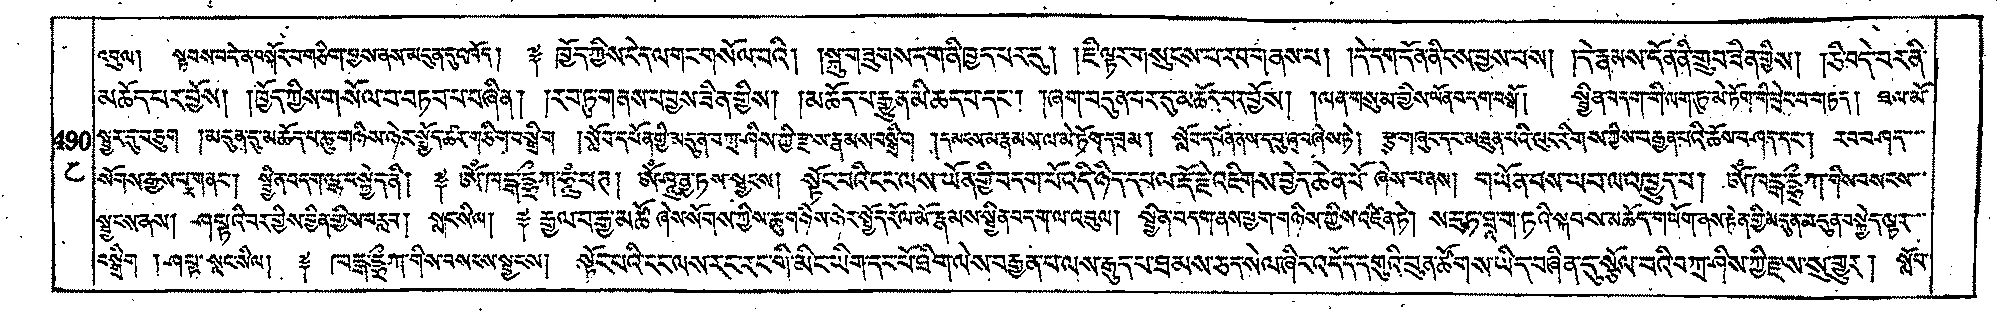འབུལ། སྟབས་བདེ་ན་བསྐོར་བ་གཅིག་བྱས་ནས་མདུན་དུ་འཁོད། འ་ཁྱོད་ཀྱིས་ངེད་ལ་གང་གསོལ་བའི། །སྐུ་གཟུགས་དག་ནི་ཁྱད་པར་དུ། །ཇི་ལྟར་གསུངས་པ་རབ་གནས་པ། །དེ་དག་དོན་ནི་ངགས་བྱས་པས། །དེ་རྣམས་དོན་ནི་གྲུབ་ཟིན་གྱིས། །ཅི་བདེ་བར་ནི་
མཆོད་པར་བྱོས། །ཁྱོད་ཀྱིས་གསོལ་བ་བཏབ་པ་བཞིན། །རབ་ཏུ་གནས་པ་བྱས་ཟིན་གྱིས། །མཆོད་པ་རྒྱུན་མི་ཆད་པ་དང་། །ཞག་བདུན་བར་དུ་མཆོད་པར་བྱས། །ལན་གསུམ་གྱིས་ཡོན་བདག་བསྒོ། །སྦྱིན་བདག་གི་ལག་ཏུ་མེ་ཏོག་གི་ཕེང་བ་གཏད། ཐལ་མོ་
སྦྱར་དུ་བཅུག །མདུན་དུ་མཆོག་པ་ཆུ་གཉིས་ཉེར་སྤྱོད་ཚར་གཅིག་བསྒྲིག །སློབ་དཔོན་གྱི་མདུན་བཀྲ་ཤིས་ཀྱི་རྫས་རྣམས་བསྒྲིག །དམངས་མ་རྣམས་ལ་མེ་ཏོག་དགྲམ། །སློབ་དཔོན་ནས་དབུ་ཞྭ་བཞེས་ཏེ། རྩ་གཞུང་དང་མཐུན་པའི་ལུང་རིགས་ཀྱིས་བརྒྱན་པའི་ཆོ་སྦྷད་དང་། རབ་བཤད་
སོགས་རྒྱས་པར་གནང་། སྦྱིན་བདག་ལྷ་བསྐྱེད་ནི། འ་ཨོཾ་ཁངྒ་དྷྲྀ་ཀ་ཧཱུཾ་ཕཌ། ཨོཾ་ཤཱུ་ནྱ་ཏས་སྦྱངས། སྟོང་པའི་ངང་ལས་ཡོན་གྱི་བདག་པོ་འདི་ཉིད་དཔལ་རྡོ་རྗེ་འཇིགས་བྱེད་ཆེན་པོ་ཞེས་པ་ནས། གཡོན་པས་ཡབ་ལ་འཁྱུད་པ། ཨོཾ་ཁངྒ་དྷྲྀ་ཀ་གིས་བསངས་
སྦྱངས་ནས། ཤཔྟའི་བར་གྱིས་བྱིན་གྱིས་བརླབ། སླང་སིལ། འ་རྒྱལ་བ་རྒྱ་མཚོ་ཞེས་སོགས་ཀྱིས་ཆུ་གཉིས་ཉེར་སྤྱོད་རོལ་མོ་རྣམས་སྦྱིན་བདག་ལ་འབུལ། སྦྱིན་བདག་ནས་ཕྱག་གཉིས་ཀྱིས་འཛིན་ཏེ། སརྦ་ཏ་ཐཱ་ཏའི་སྐབས་མཆོད་གཡོག་ནས་རྟེན་གྱི་མདུན་མདུན་བསྐྱེད་ལྟར་
བསྒྲིག །ཤཔྟ་སླང་སིལ། འ་ཁངྒ་དྷྲྀ་ཀ་གིས་བསངས་སྦྱངས། སྟོང་པའི་ངང་ལས་རང་རང་གི་མིང་ཡིག་དང་པོ་ཐིག་ལེས་བརྒྱན་པ་ལས་རྒུད་པ་ཐམས་ཅད་སེལ་ཞིང་འདོད་དགུའི་ཕུན་ཚོགས་ཡེད་བཞིན་དུ་སྩོལ་བའི་བཀྲ་ཤིས་ཀྱི་རྫས་སུ་གྱུར། སློབ་